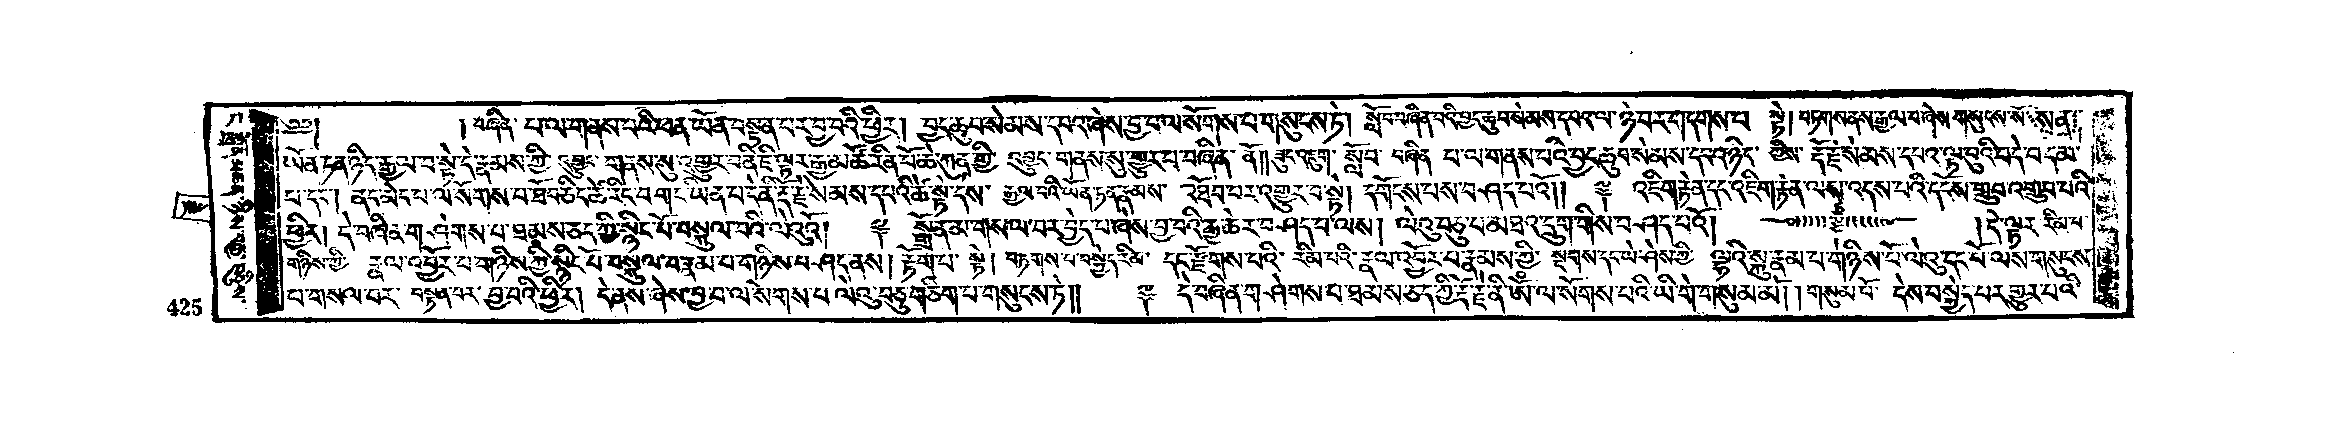༄༅། ། བཞིན་པ་ལ་གནས་པའི་ཕན་ཡོན་བསྟན་པར་བྱ་བའི་ཕྱིར། བྱང་ཆུབ་སེམས་དཔའ་ཞེས་བྱ་བ་ལ་སོགས་པ་གསུངས་ཏེ། སློབ་བཞིན་པའི་བྱང་ཆུབ་སེམས་དཔའ་ལ་ཉེ་བར་གདགས་པ་སྟེ། བཏགས་ནས་རྒྱལ་བ་ཞེས་གསུངས་སོ་སོ་ནི།
ཡོན་ཏན་ཉིད་རྒྱལ་བ་སྟེ་དེ་རྣམས་ཀྱི་འབྱུང་གནས་སུ་འགྱུར་བ་ནི་ཇི་ལྟར་རྒྱ་མཚོ་རིན་པོ་ཆེ་ཀུན་གྱི་འབྱུང་གནས་སུ་གྱུར་པ་བཞིན་ནོ། །ཟུང་འཇུག་སློབ་བཞིན་པ་ལ་གནས་པའི་བྱང་ཆུབ་སེམས་དཔའ་ཉིད་ཀྱིས་རྡོ་རྗེ་སེམས་དཔའ་ལྟ་བུའི་བདེ་བ་དམ་
པ་དང་། ནང་མེད་པ་ལ་སོགས་པ་ཐོབ་ཅིང་ཚེ་རིང་བ་གང་ཡིན་པ་དེ་ནི་རྡོ་རྗེ་སེམས་དཔའི་ཚེ་སྟེ་དེས་རྒྱལ་བའི་ཡོན་ཏན་རྣམས་འཐོབ་པར་འགྱུར་བ་སྟེ། དགོངས་པས་བཤད་པའོ།། ༈ འཇིག་རྟེན་དང་འཇིག་རྟེན་ལས་འདས་པའི་དངོས་གྲུབ་འགྲུབ་པའི་
ཕྱིར། དེ་བཞིན་གཤེགས་པ་ཐམས་ཅད་ཀྱི་སྙིང་པོ་བསྐུལ་བའི་ལེའུའོ། ༈ སྒྲོན་མ་གསལ་བར་བྱེད་པ་ཞེས་བྱ་བའི་རྒྱ་ཆེར་བཤད་པ་ལས། ལེའུ་བཅུ་པ་མཐའ་དྲུག་གིས་བཤད་པའོ། ༈ །དེ་ལྟར་རིམ་པ་
གཉིས་ཀྱི་རྣལ་འབྱོར་པ་གཉིས་ཀྱི་སྙིང་པོ་བསྐུལ་བ་རྣམ་པ་གཉིས་བཤད་ནས། རྟོག་པ་སྟེ། བཏགས་པ་བསྐྱེད་རིམ་དང་རྫོགས་པའི་རིམ་པའི་རྣལ་འབྱོར་པ་རྣམས་ཀྱི་སྔགས་དང་ཡེ་ཤེས་ཀྱི་ལྷའི་སྐུ་རྣམ་པ་གཉིས་པོ་ལེའུ་དང་པོ་ལས་གསུངས་
པ་གསལ་བར་བསྟན་པར་བྱ་བའི་ཕྱིར། དེ་ནས་ཞེས་བྱ་བ་ལ་སོགས་པ་ལེའུ་བཅུ་གཅིག་པ་གསུངས་ཏེ།། ༈ དེ་བཞིན་གཤེགས་པ་ཐམས་ཅད་ཀྱི་རྡོ་རྗེ་ནི་ཨོཾ་ལ་སོགས་པའི་ཡི་གེ་གསུམ་མོ། ། གསུམ་པོ་དེས་བསྐྱེད་པར་གྱུར་པའི་